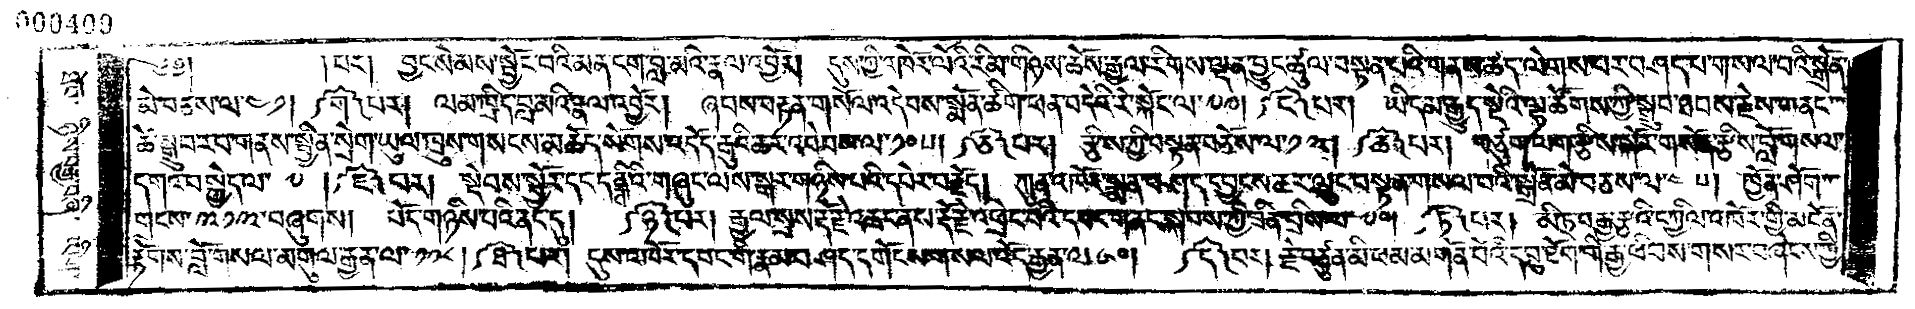༄༅། །བར། བྱང་སེམས་སྦྱོང་པའི་མན་གནང་བླ་མའི་རྣལ་འབྱོར། དུས་ཀྱི་འཁོར་ལོའི་རིམ་གཉིས་ཆོས་རྒྱལ་རིགས་ལྡན་བྱུང་ཚུལ་བསྟན་པའི་གནས་ཚུད་ལེགས་པར་བཤད་པ་གསལ་བའི་སྒྲོན་
མེ་བཅས་ལ ༤༡། ༼ག༽ པར། ལམ་ཁྲིད་བླ་མའི་རྣལ་འབྱོར། ཞབས་བརྟན་གསོལ་འདེབས་སྨོན་ཚིག་ཕན་བདེའི་རེ་སྐོང་ལ༧༧། ༼ང༽ པར། ཡི་དམ་རྒྱུད་སྡེའི་ལྷ་ཚོགས་ཀྱི་སྒྲུབ་ཐབས་རྗེས་གནང་
ཚེ་སྒྲུབ་རབ་གནས་སྦྱིན་སྲེག་ཡུལ་ཁྲུས་གསངས་མཆོད་སོགས་འདོད་རྒྱུའི་ཆར་འབེབས་ལ ༡༠༥། ༼ཅ༽ པར། རྩིས་ཀྱི་བསྟན་བཅོས་ལ༡༣། ༼ཆ༽ པར། གཙུག་ལག་རྩིས་སྐོར་གསོན་རྩིས་བློ་གསལ་
དགའ་བསྐྱེད་ལ ༧། ༼ཇ༽ པར། སྡེབས་སྦྱོར་དང་དནྚི་འི་གཞུང་ལས་སྒར་གཉིས་པའི་དཔེར་བརྗོད། ཀུན་འཁོར་སྨན་བཤད་དབྱངས་ཆར་ལུང་བསྟན་གསལ་བའི་སྒྲོན་མེ་བཅས་ལ༤༥། ཁྱོན་ཤོག་
གྲངས ༣༡༣་བཞུགས། པོད་གཉིས་པའི་ནང་དུ། ༼ཉ༽ པར། རྒྱལ་སྲས་རྡོ་རྗེ་འཆང་ནས་རྡོ་རྗེ་འཕྲེང་བའི་དབང་གནང་སྐབས་ཀྱི་ཟིན་བྲིས་ལ༧༠། ༼ཏ༽ པར། མི་ཏྲ་བརྒྱ་རྩིའི་དཀྱིལ་འཁོར་གྱི་མངོན་
རྟོགས་བློ་གསལ་མགུལ་རྒྱན་ལ ༡༡༨། ༼ཐ༽ པར། དུས་འཁོར་དབང་གི་རྣམས་བཤད་དགོངས་གསལ་འོད་རྒྱན་ལ ༦༠། ༼ད༽ པར། རྗེ་བཙུན་མི་ཕ་མ་མགོན་པོའི་དབུ་ཐོག་གི་རྒྱ་ཕིབས་གསར་བཞེངས་ཀྱི་